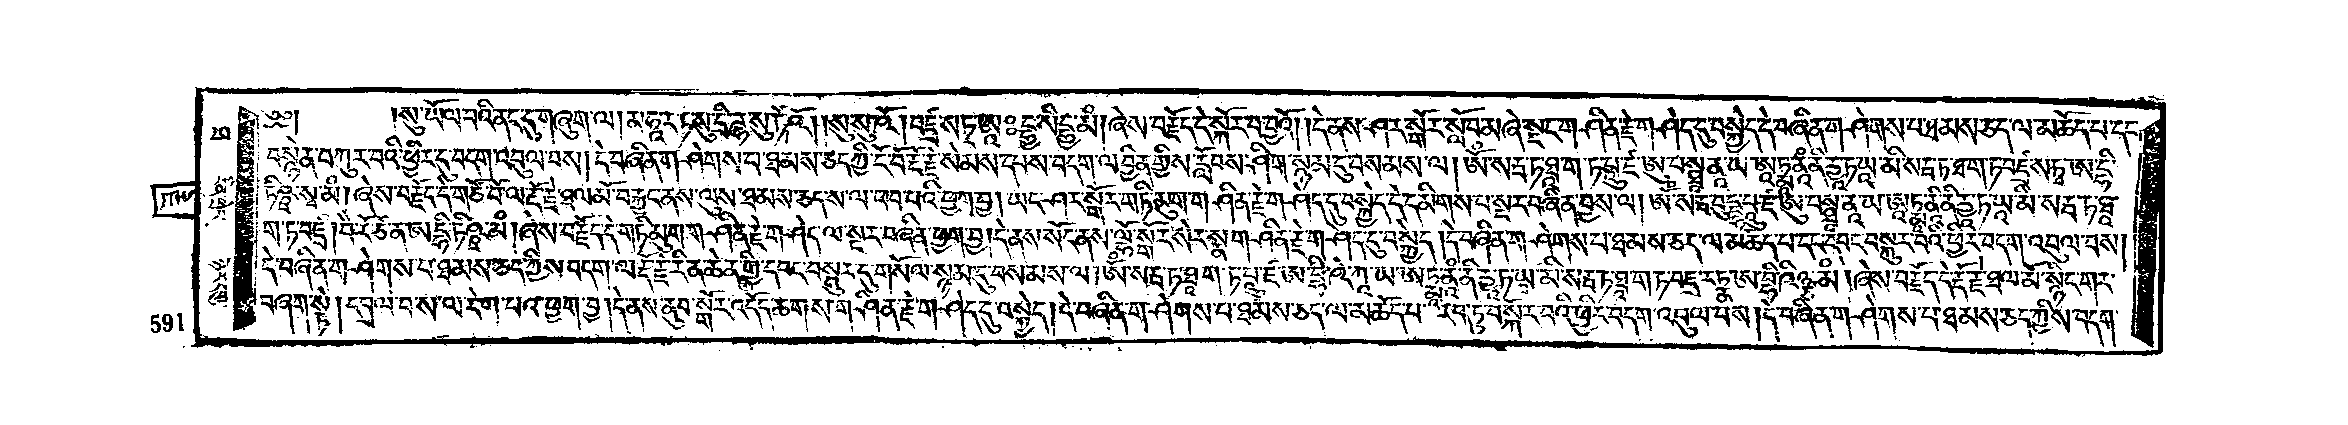༄༅། །སུ་ཡོལ་བའི་ནང་དུ་གཞུག་ལ། མཧཱ་ར་ཏ་སུ་དྲི་ཌྷ་སུ་ཏོ་ཥོ། །སུ་སུ་ཥོ། བཛྲ་སཏྲ་ཨཱཿ དྷྱ་སིདྷྱ་མཾ། ཞེས་བརྗོད་དེ་སྐོར་བ་བྱའོ། །དེ་ནས་ཤར་སྒོར་སློབ་མ་ཞེ་སྡང་གཤིན་རྗེ་གཤེད་དུ་བསྐྱེད་དེ་བཞིན་གཤེགས་པ་ཐམས་ཅད་ལ་མཆོད་པ་དང་
བསྙེན་བཀུར་བའི་ཕྱིར་དུ་བདག་འབུལ་བས། དེ་བཞིན་གཤེགས་པ་ཐམས་ཅད་ཀྱི་ངོ་བོ་རྡོ་རྗེ་སེམས་དཔས་བདག་ལ་བྱིན་གྱིས་རློབས་ཤིག་སྙམ་དུ་བསམས་ལ། ཨོཾ་སརྦ་ཏ་ཐཱ་ག་ཏ་པཱུ་ཛ་ཨུ་པསྠཱ་ནཱ་ཡ་ཨཱཏྨཱ་ནཱཾ་ནི་རྱཱ་ཏ་ཡཱ་མི་སརྦ་ཏ་ཐཱ་ག་ཏ་བཛྲ་ས་ཏྭ་ཨ་དྷི་
ཏིཥཊཿཨ་སྭ་མཾ། ཞེས་བརྗོད་དེ་གཙོ་བོ་ལ་རྡོ་རྗེ་ཐལ་མོ་བརྐྱང་ནས་ལུས་ཐམས་ཅད་ས་ལ་ཕབ་པའི་ཕྱག་བྱ། ཡང་ཤར་སྒོར་གཏི་མུག་གཤིན་རྗེ་གཤེད་དུ་བསྐྱེད་དེ་དམིགས་པ་སྔར་བཞིན་བྱས་ལ། ཨོཾ་སརྦ་བུདྡྷ་པཱུ་ཛ་ཨུ་པསྠཱ་ནཱ་ཡེ་ཨཱཏྨཱ་ནཱི་ནི་རྱཱ་ཏ་ཡཱ་མི་སརྦ་ཏ་ཐཱ་
ག་ཏ་བཛྲ། བཻ་རེ་ཙ་ན་ཨདྷི་ཏིཥཊཿཨ་མཾ། ཞེས་བརྗོད་དེ་གཏི་མུག་གཤིན་རྗེ་གཤེད་ལ་སྔར་བཞིན་ཕྱག་བྱ། དེ་ནས་སོང་ནས་ལྷོ་སྒོར་སེར་སྣ་གཤིན་རྗེ་གཤེད་དུ་བསྐྱེད། དེ་བཞིན་གཤེགས་པ་ཐམས་ཅད་ལ་མཆོད་པ་དང་དབང་བསྐུར་བའི་ཕྱིར་བདག་འབུལ་བས།
དེ་བཞིན་གཤེགས་པ་ཐམས་ཅད་ཀྱིས་བདག་ལ་རྡོ་རྗེ་རིན་ཆེན་གྱི་དབང་བསྐུར་དུ་གསོལ་སྙམ་དུ་བསམས་ལ། ཨོཾ་སརྦ་ཏ་ཐཱ་ག་ཏ་པཱུ་ཛ་ཨ་བྷི་ཥེ་ཀཱ་ཡ་ཨཏྨཱ་ནཱཾ་ནི་རྱཱ་ཏ་ཡཱ་མི་སརྦ་ཏ་ཐཱ་ག་ཏ་བཛྲ་རཏྣ་ཨ་བྷི་ཤྀ་ཉྩ་མཾ། ཞེས་བརྗོད་དེ་རྡོ་རྗེ་ཐལ་མོ་སྙིང་གར་
བཞག་སྟེ། དཔྲལ་བ་ས་ལ་རེག་པའི་ཕྱག་བྱ། དེ་ནས་ནུབ་སྒོར་འདོད་ཆགས་གཤེན་རྗེ་གཤེད་དུ་བསྐྱེད། དེ་བཞིན་གཤེགས་པ་ཐམས་ཅད་ལ་མཆོད་པ་རབ་ཏུ་བསྐོར་བའི་ཕྱིར་བདག་འབུལ་བས། དེ་བཞིན་གཤེགས་པ་ཐམས་ཅད་ཀྱིས་བདག་